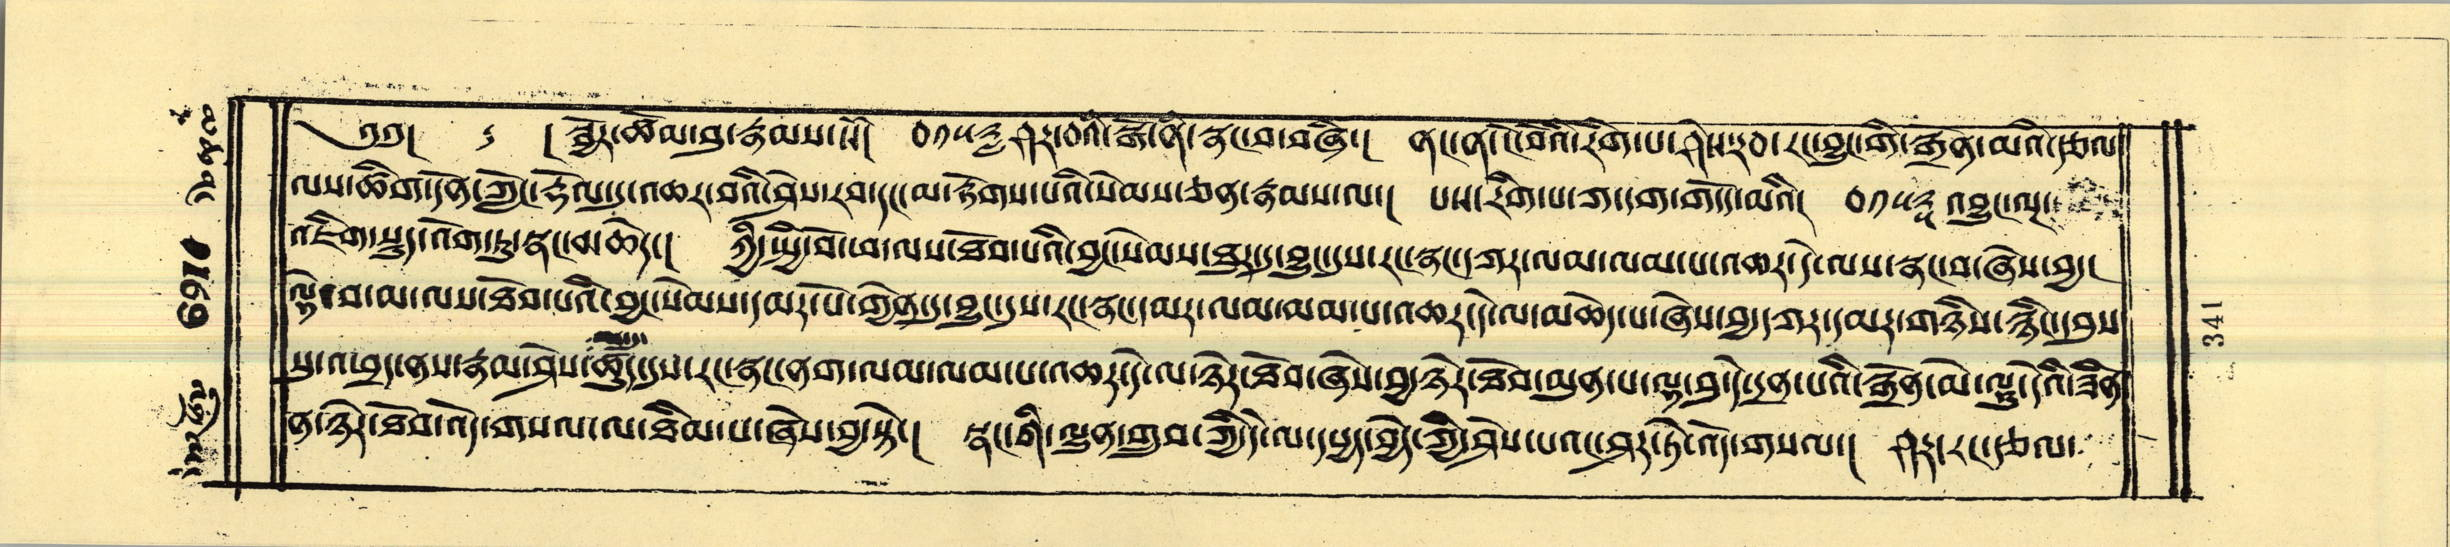སྦྱོར་ཚོམ་བུ་རྣམས་ ༼སོ།༽བ༡༥༢།༤ ༼ཤར་བའི་༽སྒོ་ ༼ནི་༽སྣང་བ་བཞི། ༼ནང་ན་༽ངོ་བོའི་རིག་པ་ ༼ཤེས་རབ་༽རང་བྱུང་གི་སྒྲོན་མའི་རྩལ་
ལས་ཚིག་དོན་ཀློང་རྡོལ་དུ་འཆར་བའི་ཤེས་རབ་དང་མ་རྟོགས་པའི་སེམས་ཅན་རྣམས་ལ། ༼པས་༽རིག་པ་ཀ་དག་གདོད་མའི། བ༡༥༢།༥ འབྱུང་ལྔ་
འཇིག་སྡུད་འོག་ཏུ་ ༼སྣང་མཆེད།༽ ༼ཀྱི་༽སྤྱི་བོ་ཕ་ལས་ཐོབ་པའི་བྱང་སེམས་ཐུར་དུ་བྱུང་དུས་རང་སྣང་དཀར་ལམ་ལམ་པ་འཆར་དེ་ལས་སྣང་བ་ཞེས་བྱ། 
ལྟེ་བ་མ་ལས་ཐོབ་པའི་བྱང་སེམས་དམར་པོ་གྱེན་དུ་བྱུང་དུས་རང་སྣང་དམར་ལམ་ལམ་པ་འཆར་དེ་ལ་མཆེད་པ་ཞེས་བྱ་དཀར་དམར་གཉིས་སྙིང་དབུས་
སུ་འཕྲད་ནས་རྣམ་ཤེས་གང་དུ་ཚུད་དུས་རང་སྣང་ནག་ལམ་ལམ་པ་འཆར་དེ་ལ་ཉེར་ཐོབ་ཞེས་བྱ་ཉེར་ཐོབ་མུན་པ་ལྟ་བུ་དེ་དྲན་པའི་སྒྲོན་མེ་ལྟ་བུ་དེའི་ཟིན་
ན་ཉེར་ཐོབ་འོད་གསལ་ལ་ཐིམ་པ་ཞེས་བྱ་སྟེ། ༼སྣང་གི་༽ལྷུན་གྲུབ་ཀྱི་དེ་ལ་དཔྱད་བྱེད་ཀྱི་ཤེས་པའང་ཤར་ཏེ་འོད་གསལ། ༼ཤར་༽རང་རྩལ་